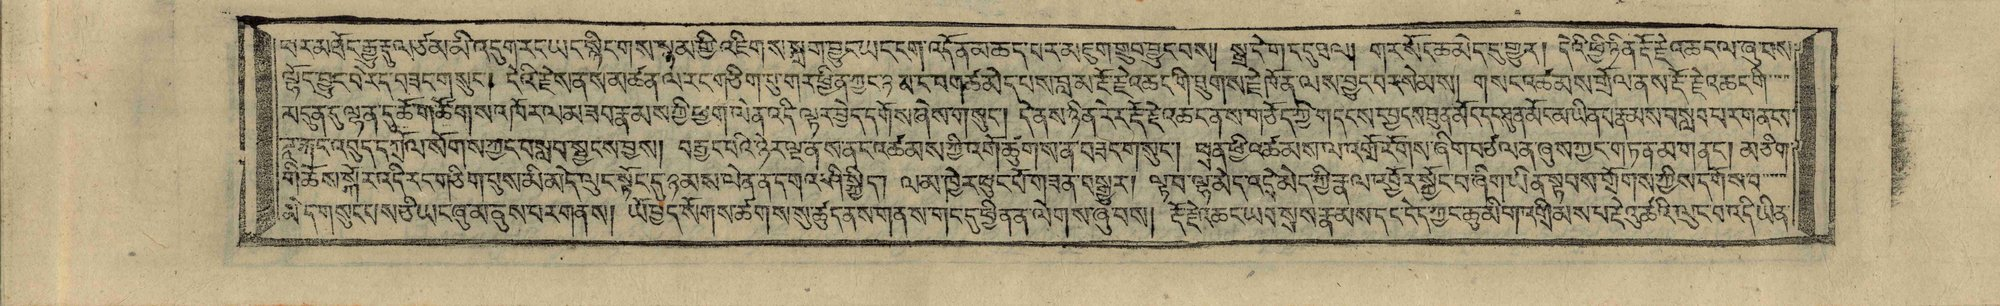ཕར་མཐོང་རྒྱུ་རྡུལ་ཙམ་མི་འདུག་རང་ཡང་སྙིང་གས་སྙམ་གྱི་འཇིགས་སྐྲག་བྱུང་ཡང་ངག་འདོན་མ་ཆད་པར་མཇུག་གྲུབ་བྱུང་བས། སྒྲ་དེ་གང་དུ་ཐལ། གར་སོང་ཆ་མེད་དུ་གྱུར། དེའི་ཕྱི་ཉིན་རྡོ་རྗེ་འཆང་ལ་ཞུ་བས་
ལྷོད་བྱུང་བ་རེད་བཟང་གསུང་། དེའི་རྗེས་ནས་མཚན་ལ་རང་གཅིག་པུ་གར་ཕྱིན་ཀྱང་ཉམ་ང་བག་ཚ་མེད་པས་བླ་མ་རྡོ་རྗེ་འཆང་གི་ཐུགས་རྗེ་ཁོ་ན་ལས་བྱུང་བར་སེམས། གསང་འཚམས་གྲོལ་ནས་རྡོ་རྗེ་འཆང་གི་
མདུན་དུ་ལྷན་དུ་ཆོ་ག་ཚོགས་འཁོར་ལམ་ཟབ་རྣམས་ཀྱི་ཕྱག་ལེན་འདི་ལྟར་བྱེད་དགོས་ཞེས་གསུང་། དེ་ནས་ཉིན་རེར་རྡོ་རྗེ་འཆང་ནས་གཅོད་ཀྱི་གདངས་དབྱངས་ཐུན་མོང་དང་ཐུན་མོང་མ་ཡིན་པ་རྣམས་བསླབ་པར་གནང་བ་
ཌཱ་རྐང་འབུད་དཀྲོལ་སོགས་ཀྱང་བསླབ་སྦྱངས་བྱས། བརྒྱང་པའི་ཉེར་ལྔ་ནས་ནང་འཚམས་ཀྱི་འགོ་ཚུགས་ན་བཟང་གསུང་། ཕྲན་ཕྱི་འཚམས་ལ་འགྲོ་རོགས་ཞིག་བཙལ་ན་ཞུས་ཀྱང་གཏན་མ་གནང་། མ་ཅིག་
གི་ཆོས་སྐོར་འདི་རང་གཅིག་པུས་མི་མེད་ལུང་སྟོང་དུ་ཉམས་ལེན་ན་དགའ་ཤི་སྐྱིད། ལམ་ཁྱེར་ཕུང་པོ་གཟན་བསྒྱུར། ལྟ་བ་ལྷ་མེད་འདྲེ་མེད་ཀྱི་རྣལ་འབྱོར་སྐྱོང་བ་ཞིག་ཡིན་སྟབས་གྲོགས་ཀྱིས་དགོས་པ་
མེད་གསུང་པས་ཅི་ཡང་ཞུ་མ་ནུས་པར་གནས། ཡོ་བྱད་སོགས་ཚགས་སུ་ཚུད་ནས་གནས་གང་དུ་ཕྱིན་ན་ལེགས་ཞུ་བས། རྡོ་རྗེ་འཆང་ཡབ་སྲས་རྣམས་དང་ངེད་ཀྱང་ཆུ་མིག་འགྲིམས་པ་རྡེའུ་ཚའི་ལུང་བ་འདི་ཡིན་